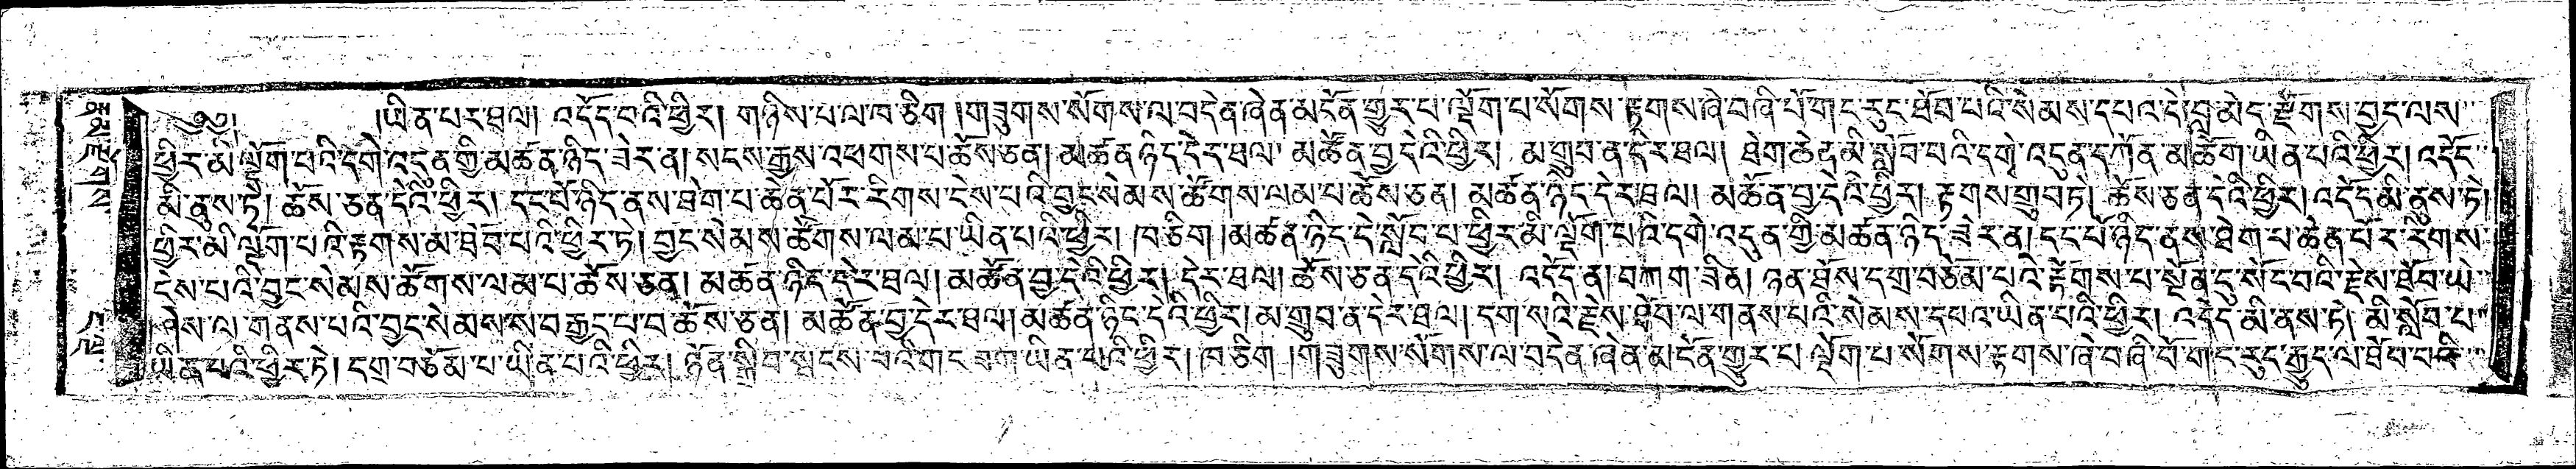༄༅། །ཡིན་པར་ཐལ། འདོད་པའི་ཕྱིར། གཉིས་པ་ལ་ཁ་ཅིག །གཟུགས་སོགས་ལ་བདེན་ཞེན་མངོན་གྱུར་པ་ལྡོག་པ་སོགས་རྟགས་ཞེ་བཞི་པོ་གང་རུང་ཐོབ་པའི་སེམས་དཔའ་དེ་བླ་མེད་རྫོགས་བྱང་ལས་
ཕྱིར་མི་ལྡོག་པའི་དགེ་འདུན་གྱི་མཚན་ཉིད་ཟེར་ན། སངས་རྒྱས་འཕགས་པ་ཆོས་ཅན། མཚན་ཉིད་དེར་ཐལ། མཚོན་བྱ་དེའི་ཕྱིར། མ་གྲུབ་ན་དེར་ཐལ། ཐེག་ཆེན་མི་སློབ་པའི་དགེ་འདུན་དཀོན་མཆོག་ཡིན་པའི་ཕྱིར། འདོད་
མི་ནུས་ཏེ། ཆོས་ཅན་དེའི་ཕྱིར། དང་པོ་ཉིད་ནས་ཐེག་པ་ཆེན་པོར་རིགས་ངེས་པའི་བྱང་སེམས་ཚོགས་ལམ་པ་ཆོས་ཅན། མཚན་ཉིད་དེར་ཐལ། མཚོན་བྱ་དེའི་ཕྱིར། རྟགས་གྲུབ་ཏེ། ཆོས་ཅན་དེའི་ཕྱིར། འདོད་མི་ནུས་ཏེ།
ཕྱིར་མི་ལྡོག་པའི་རྟགས་མ་ཐོབ་པའི་ཕྱིར་ཏེ། བྱང་སེམས་ཚོགས་ལམ་པ་ཡིན་པའི་ཕྱིར། ཁ་ཅིག །མཚན་ཉིད་དེ་སློབ་པ་ཕྱིར་མི་ལྡོག་པའི་དགེ་འདུན་གྱི་མཚན་ཉིད་ཟེར་ན། དང་པོ་ཉིད་ནས་ཐེག་པ་ཆེན་པོར་རིགས་
ངེས་པའི་བྱང་སེམས་ཚོགས་ལམ་པ་ཆོས་ཅན། མཚན་ཉིད་དེར་ཐལ། མཚོན་བྱ་དེའི་ཕྱིར། དེར་ཐལ། ཆོས་ཅན་དེའི་ཕྱིར། འདོད་ན། བཀག་ཟིན། ཉན་ཐོས་དགྲ་བཅོམ་པའི་རྟོགས་པ་སྔོན་དུ་སོང་བའི་རྗེས་ཐོབ་ཡེ་
ཤེས་ལ་གནས་པའི་བྱང་སེམས་ས་བརྒྱད་པ་བ་ཆོས་ཅན། མཚོན་བྱ་དེར་ཐལ། མཚན་ཉིད་དེའི་ཕྱིར། མ་གྲུབ་ན་དེར་ཐལ། དག་སའི་རྗེས་ཐོབ་ལ་གནས་པའི་སེམས་དཔའ་ཡིན་པའི་ཕྱིར། འདོད་མི་ནུས་ཏེ། མི་སློབ་པ་
ཡིན་པའི་ཕྱིར་ཏེ། དགྲ་བཅོམ་པ་ཡིན་པའི་ཕྱིར། ཉོན་སྒྲིབ་སྤངས་པའི་གང་ཟག་ཡིན་པའི་ཕྱིར། ཁ་ཅིག །གཟུགས་སོགས་ལ་བདེན་ཞེན་མངོན་གྱུར་པ་ལྡོག་པ་སོགས་རྟགས་ཞེ་བཞི་པོ་གང་རུང་རྒྱུད་ལ་ཐོབ་པའི་